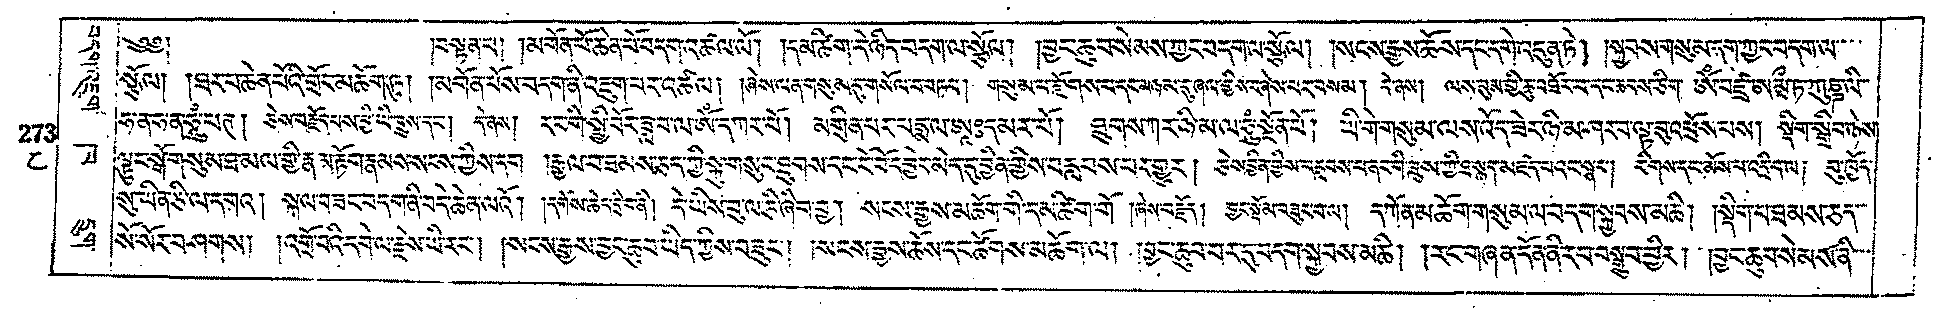༄༅། །བསྟན་པ། །མགོན་པོ་ཆེན་པོ་བདག་འཚལ་ལོ། །དམ་ཚིག་དེ་ཉིད་བདག་ལ་སྩོལ། །བྱང་ཆུབ་སེམས་ཀྱང་བདག་ལ་སྩོལ། །སངས་རྒྱས་ཆོས་དང་དགེ་འདུན་ཏེ། །སྐྱབས་གསུམ་དག་ཀྱང་བདག་ལ་་་
སྩོལ། །ཐར་པ་ཆེན་པོའི་གྲོང་མཆོག་ཏུ། །མགོན་པོས་བདག་ནི་འཇུག་པར་འཚལ། །ཞེས་ལན་གསུམ་དུ་གསོལ་བ་བཏབ། གསུམ་པ་རྫོགས་པ་དང་མཉམ་དུ་ཞལ་གྱིས་བཞེས་པར་བསམ། དེ་ནས། ལས་བུམ་གྱི་ཆུ་འཐོར་བ་དང་ཆབས་ཅིག་ཨོཾ་བཛྲ་ཨ་མྲྀ་ཏ་ཀུཎྜ་ལི་་་
ཧ་ན་ཧ་ན་ཧཱུཾ་ཕཊ། ཅེས་བརྗོད་པས་ཕྱི་ཡི་ཁྲུས་དང་། དེ་ནས།  རང་གི་སྤྱི་བོར་ཟླ་བ་ལ་ཨོཾ་དཀར་པོ། མགྲིན་པར་པདམ་ལ་ཨཱཿ དམར་པོ། ཐུགས་ཀར་ཉི་མ་ལ་ཧཱུཾ་སྔོན་པོ། ཡི་གེ་གསུམ་ལས་འོད་ཟེར་ཉི་མ་ཤར་བ་ལྟ་བུ་འཕྲོས་པས། སྡིག་སྒྲིབ་ཉེས་
ལྟུང་སྒོ་གསུམ་ཐ་མལ་གྱི་རྣམ་རྟོག་རྣམས་སངས་ཀྱིས་དག །རྒྱལ་བ་ཐམས་ཅད་ཀྱི་སྐུ་གསུང་ཐུགས་དང་ངོ་བོ་དབྱེར་མེད་དུ་བྱིན་གྱིས་བརླབས་པར་གྱུར། ཅེས་བྱིན་གྱིས་བརླབས་པ་ནང་གི་ཁྲུས་ཀྱི་ཐ་སྙད་མཛད་པའང་སྣང་། རིགས་དང་མོས་པ་འདྲི་བ་ལ།  བུ་ཁྱོད་
སུ་ཡིན་ཅི་ལ་དགའ། སྐལ་བཟང་བདག་ནི་བདེ་ཆེན་ལའོ། །དགོས་ཆེད་དྲི་བ་ནི།  དེ་ཡིས་བུ་ལ་ཅི་ཞིག་བྱ། སངས་རྒྱས་མཆོག་གི་དམ་ཚིག་གོ་།ཞེས་བརྗོད། བྱང་སྡོམ་བཟུང་བ་ལ།  དཀོན་མཆོག་གསུམ་ལ་བདག་སྐྱབས་མཆི། །སྡིག་པ་ཐམས་ཅད་་་
སོ་སོར་བཤགས། །འགྲོ་བའི་དགེ་ལ་རྗེས་ཡི་རང་། །སངས་རྒྱས་བྱང་ཆུབ་ཡིད་ཀྱིས་བཟུང་། །སངས་རྒྱས་ཆོས་དང་ཚོགས་མཆོག་ལ། །བྱང་ཆུབ་བར་དུ་བདག་སྐྱབས་མཆི། །རང་གཞན་དོན་ནི་རབ་བསྒྲུབ་ཕྱིར། །བྱང་ཆུབ་སེམས་ནི་་་